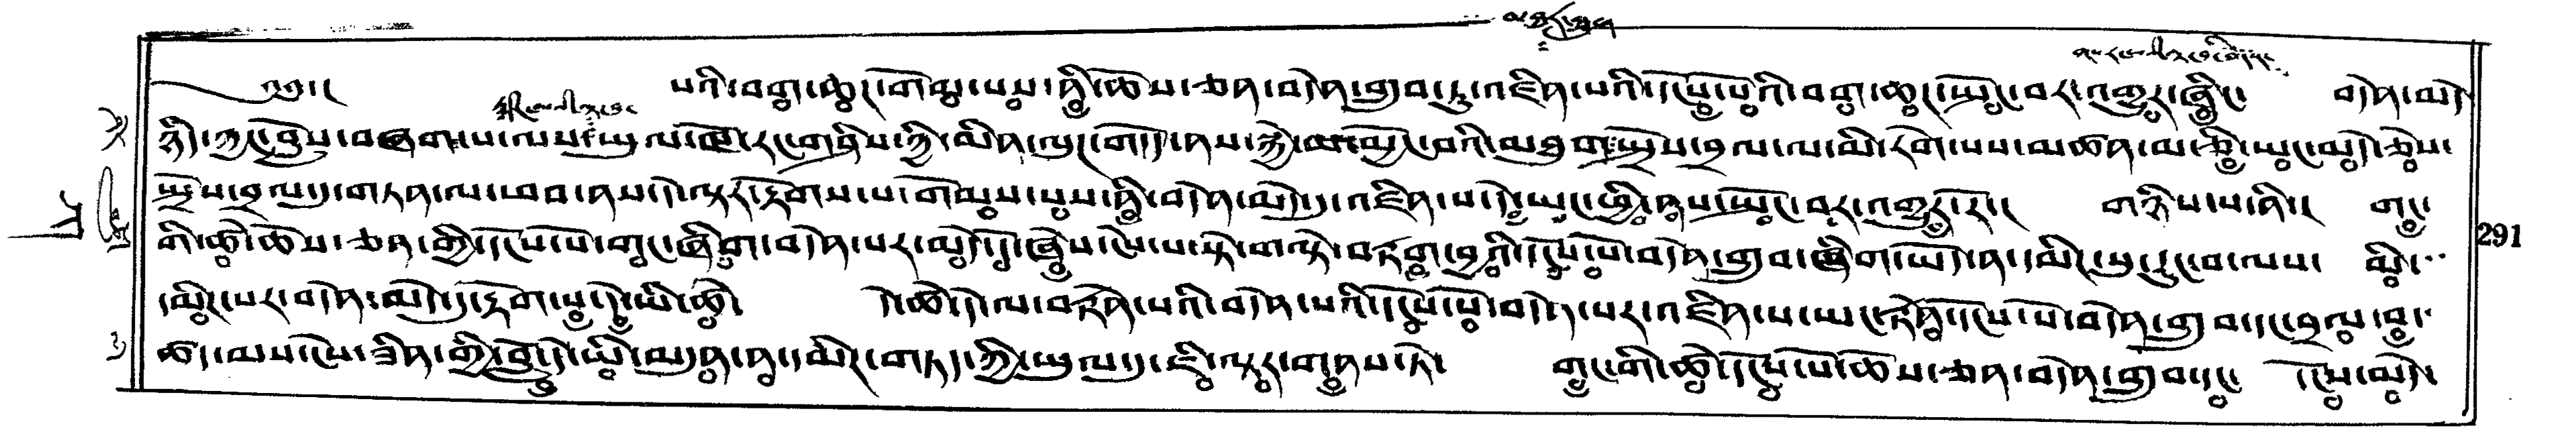པའི་བག་ཆགས་གོམས་པས་ནི་ཆོས་ཅན་བདེན་གྲུབ་ཏུ་འཛིན་པའི་དངོས་པོའི་བག་ཆགས་སྤོང་བར་འགྱུར་ཞིང་། གསར་མའི་ལྟ་བ། བདེན་མེད་
ཉིད་ཀྱང་བློས་བཞག་པ་ལས་རྙིང་མའི་ལྟ་བ། ཡུལ་ཁོ་རང་གཤིས་ཀྱི་ཡིན་ལུགས་གདོད་ནས་སྐྱེ་མ་མྱོང་བའི་མཐར་ཐུག་སྤྲོས་བྲལ་ལ་མི་རེག་པས་མཚན་མ་ཅི་ཡང་མེད་ཅེས་
སྤྲོས་བྲལ་དུ་གཏན་ལ་ཕབ་ནས་དེ་ལྟར་རྟོགས་པ་གོམས་པས་ནི་བདེན་མེད་དུ་འཛིན་པ་དེ་ཡང་ཕྱི་ནས་སྤོང་བར་འགྱུར་རོ།། གཉིས་པ་ནི། གང་
གི་ཚེ་ཆོས་ཅན་གྱི་དངོས་པོ་གང་ཞིག་བདེན་པར་མེད་དོ་ཞེས་ངེས་པ་སྟེ་གལ་ཏེ་བརྟག་བྱའི་དངོས་པོ་བདེན་གྲུབ་ཞིག་ཡོད་ན་དམིགས་སུ་རུང་བ་ལས། མི་
དམིགས་པར་བདེན་མཻད་དུ་རྟོགས་པ་དེ་ཡི་ཚེ། དེ་ཚེ་དེ་ལ་བརྟེན་པའི་བདེན་པའི་དངོས་པོ་བདེན་པར་འཛིན་པ་ཡང་རྟེན་དངོས་པོ་བདེན་གྲུབ་དང་བྲལ་བ་
ཚད་མས་ངེས་ཟིན་གྱི་བློ་དེ་ཡི་མདུན་ན་དམིགས་གཏད་ཀྱི་ཡུལ་དུ་ཇི་ལྟར་གནས་ཏེ། གང་གི་ཚེ་དངོས་པོ་ཆོས་ཅན་བདེན་གྲུབ་དང་། དངོས་མེད་